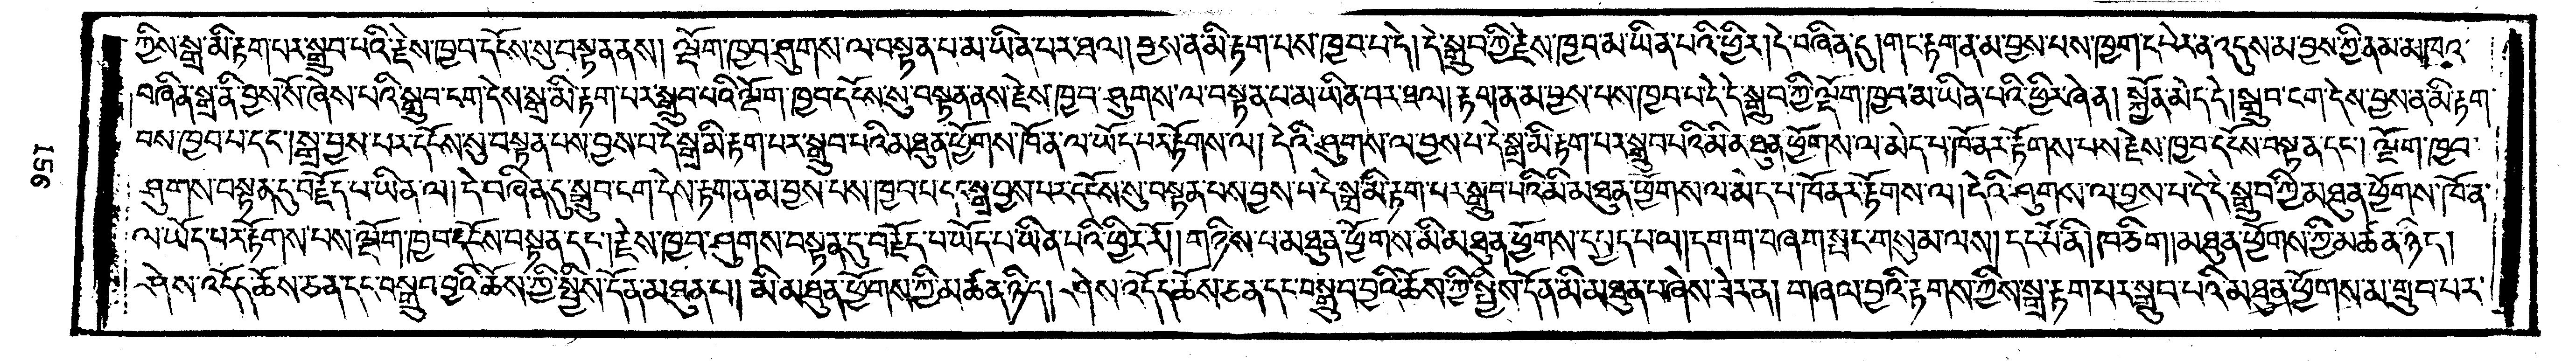ཀྱིས་སྒྲ་མི་རྟག་པར་སྒྲུབ་པའི་རྗེས་ཁྱབ་དངོས་སུ་བསྟན་ནས། ལྡོག་ཁྱབ་ཤུགས་ལ་བསྟན་པ་མ་ཡིན་པར་ཐལ། བྱས་ན་མི་རྟག་པས་ཁྱབ་པ་དེ། དེ་སྒྲུབ་ཀྱི་རྗེས་ཁྱབ་མ་ཡིན་པའི་ཕྱིར། དེ་བཞིན་དུ། གང་རྟག་ན་མ་བྱས་པས་ཁྱབ། དཔེར་ན་འདུས་མ་བྱས་ཀྱི་ནམ་མཁའ་
བཞིན་སྒྲ་ནི་བྱས་སོ་ཞེས་པའི་སྒྲུབ་ངག་དེས་སྒྲ་མི་རྟག་པར་སྒྲུབ་པའི་ལྡོག་ཁྱབ་དངོས་སུ་བསྟན་ནས་རྗེས་ཁྱབ་ཤུགས་ལ་བསྟན་པ་མ་ཡིན་པར་ཐལ། རྟག་ན་མ་བྱས་པས་ཁྱབ་པ་དེ་དེ་སྒྲུབ་ཀྱི་ལྡོག་ཁྱབ་མ་ཡིན་པའི་ཕྱིར་ཞེ་ན། སྐྱོན་མེད་དེ། སྒྲུབ་ངག་དེས་བྱས་ན་མི་རྟག་
པས་ཁྱབ་པ་དང་། སྒྲ་བྱས་པར་དངོས་སུ་བསྟན་པས་བྱས་པ་དེ་སྒྲ་མི་རྟག་པར་སྒྲུབ་པའི་མཐུན་ཕྱོགས་ཁོ་ན་ལ་ཡོད་པར་རྟོགས་ལ། དེའི་ཤུགས་ལ་བྱས་པ་དེ་སྒྲ་མི་རྟག་པར་སྒྲུབ་པའི་མི་མཐུན་ཕྱོགས་ལ་མེད་པ་ཁོ་ནར་རྟོགས་པས་རྗེས་ཁྱབ་དངོས་བསྟན་དང་། ལྡོག་ཁྱབ་
ཤུགས་བསྟན་དུ་བརྗོད་པ་ཡིན་ལ། དེ་བཞིན་དུ་སྒྲུབ་ངག་དེས་རྟག་ན་མ་བྱས་པས་ཁྱབ་པ་དང་སྒྲུབ་བྱས་པར་དངོས་སུ་བསྟན་པས་བྱས་པ་དེ་སྒྲ་མི་རྟག་པར་སྒྲུབ་པའི་མི་མཐུན་ཕྱོགས་ལ་མེད་པ་ཁོ་ནར་རྟོགས་ལ། དེའི་ཤུགས་ལ་བྱས་པ་དེ་དེ་སྒྲུབ་ཀྱི་མཐུན་ཕྱོགས་ཁོ་ན་
ལ་ཡོད་པར་རྟོགས་པས་ལྡོག་ཁྱབ་དངོས་བསྟན་དང་། རྗེས་ཁྱབ་ཤུགས་བསྟན་དུ་བརྗོད་པ་ཡོད་པ་ཡིན་པའི་ཕྱིར་རོ། །གཉིས་པ་མཐུན་ཕྱོགས་མི་མཐུན་ཕྱོགས་དཔྱད་པ་ལ། དགག་བཞག་སྤང་གསུམ་ལས། དང་པོ་ནི། ཁ་ཅིག །མཐུན་ཕྱོགས་ཀྱི་མཚན་ཉིད།
ཤེས་འདོད་ཆོས་ཅན་དང་བསྒྲུབ་བྱའི་ཆོས་ཀྱི་སྤྱིས་དོན་མཐུན་པ། མི་མཐུན་ཕྱོགས་ཀྱི་མཚན་ཉིད། ཤེས་འདོད་ཆོས་ཅན་དང་བསྒྲུབ་བྱའི་ཆོས་ཀྱི་སྤྱིས་དོན་མི་མཐུན་པ་ཞེས་ཟེར་ན། གཞལ་བྱའི་རྟགས་ཀྱིས་སྒྲ་རྟག་པར་སྒྲུབ་པའི་མཐུན་ཕྱོགས་མ་གྲུབ་པར་